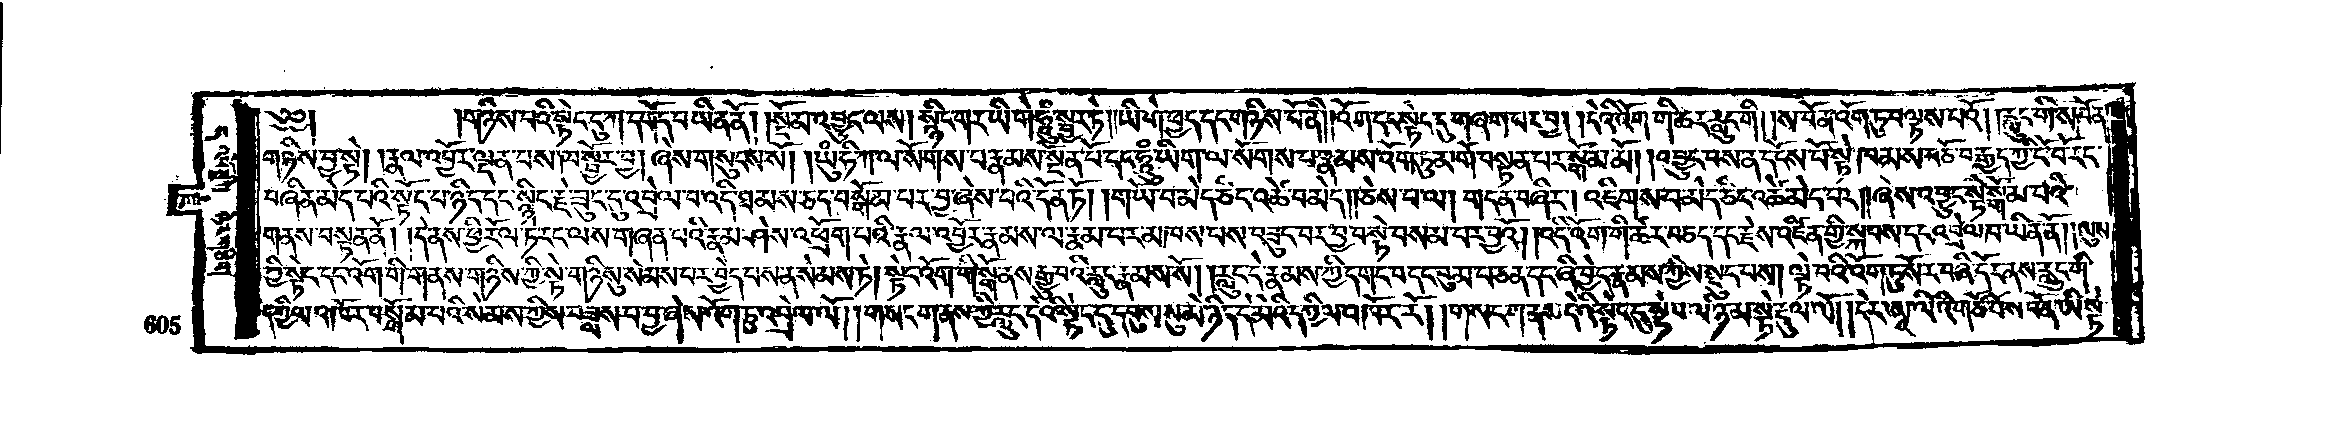༄༅། །གཉིས་པའི་སྟེང་དུ་ཀ་དགོད་པ་ཡིན་ནོ། །སྡོམ་འབྱུང་ལས། སྙིང་གར་ཡི་གེ་ཧཱུཾ་སྦྱར་ཏེ། །ཡི་གེ་ཕྱད་དང་གཉིས་པོ་ནི། །འོག་དང་སྟེང་དུ་གཞག་པར་བྱ། །དེའི་འོག་གི་ཆར་རླུང་གི །ས་བོན་འོག་ཏུ་བལྟས་པའོ། །རླུང་གི་ས་བོན་
གཉིས་བྱ་སྟེ། །རྣལ་འབྱོར་ལྡན་པས་ཁ་སྦྱོར་བྱ། ཞེས་གསུངས་སོ། །ཡུཾ་ཧི་ཀ་ལ་སོགས་པ་རྣམས་སྔོན་པོ་དང་ཧཱུཾ་ཡིག་ལ་སོགས་པ་རྣམས་འོག་ཏུ་མགོ་བསྟན་པར་སྒོམ་མོ། །འབྱུང་བས་ན་དངོས་པོ་སྟེ་ཁམས་བཅོ་བརྒྱད་ཀྱི་ངོ་བོ་རང་
བཞིན་མེད་པའི་སྟོང་པ་ཉིད་དང་སྙིང་རྗེ་ཟུང་དུ་འབྲེལ་བ་འདི་ཐམས་ཅད་བསྒོམ་པར་བྱ་ཞེས་པའི་དོན་ཏོ། །གཡོ་བ་མེད་ཅིང་འཚོ་བ་མེད། །ཅེས་པ་ལ། གང་ན་བཞིར། འཇིགས་པ་མེད་ཅིང་འཚེ་མེད་པར། །ཞེས་འབྱུང་སྟེ་སྒོམ་པའི་
གནས་བསྟན་ནོ། །དེ་ནས་ཕྱི་རོལ་ཏེ་རང་ལས་གཞན་པའི་རྣམ་ཤེས་འཕྲོག་པའི་རྣལ་འབྱོར་རྣམས་ལ་རྣམ་པར་མཁས་པས་བཟུང་བར་བྱ་བ་སྟེ་བསམ་པར་བྱའོ། །འདི་འོག་གི་ཚར་བཅད་དང་རྗེས་འཛིན་གྱི་སྐབས་དང་འབྲེལ་བ་ཡིན་ནོ། །ལུས་
ཀྱི་སྟེང་དང་འོག་གི་གནས་གཉིས་ཀྱི་སྟེ་གཉིས་སུ་སེམས་པར་བྱེད་པས་ན་སེམས་ཏེ། སྟེང་འོག་གི་སྒོ་ནས་རྒྱུ་བའི་རླུང་རྣམས་སོ། །རླུང་དེ་རྣམས་ཀྱི་དགང་བ་དང་བུམ་པ་ཅན་དང་ཞི་བྱེད་རྣམས་ཀྱིས་སྡུད་པས། ལྟེ་བའི་འོག་ཏུ་སོར་བཞི་དོར་ནས་རླུང་གི་
དཀྱིལ་འཁོར་བསྒོམ་པའི་སེམས་ཀྱིས་བཟླས་བ་བྱ་ཞེས་འོག་ཏུ་འབྲེལ་ལོ། །གསང་གནས་ཀྱི་རླུང་དེའི་སྟེང་དུ་དབུས་སུ་མེད་ཉིད་དེ་མེའི་དཀྱིལ་འཁོར་རོ། །གསང་གནས་དེའི་སྟེང་དུ་སྟེ་བ་ལ་ཉི་མ་སྟེ་རྡུལ་ལོ། །དེར་ཨཱ་ལིའི་གཙོ་བོ་ས་བོན་ཨི་སྟེ་